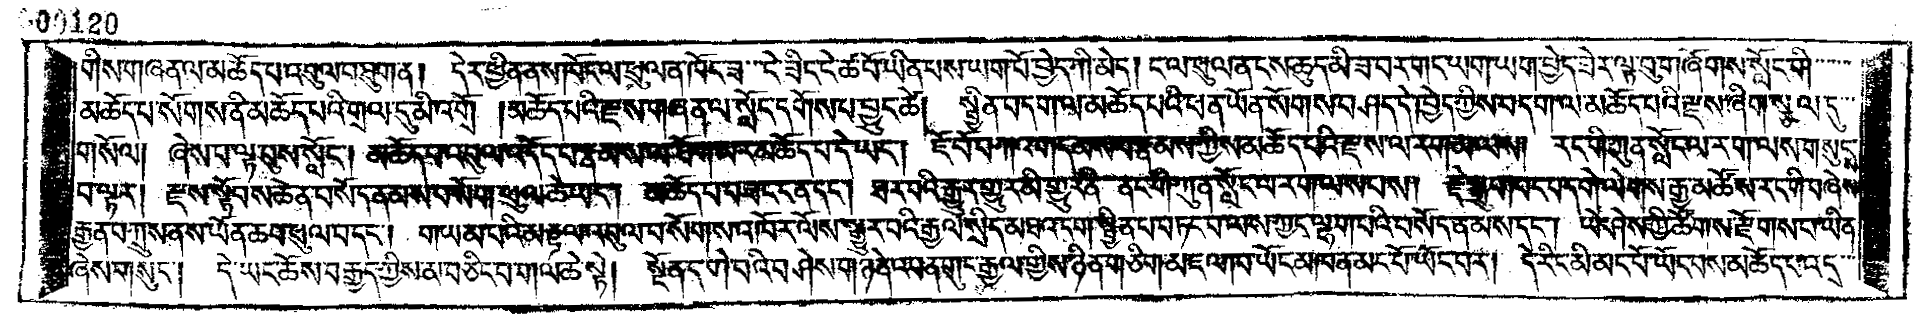གིས་གཞན་ལ་མཆོད་པ་འབུལ་བ་ཐུག་ན། དེར་ཕྱིན་ནས་ཁོང་ལ་ཕུལ་ན་ཁོང་ཟ་ངེ་ཟིང་ངེ་ཚ་བོ་ཡིན་པས་ཡག་པོ་བྱེད་ཀི་མེད། ང་ལ་ཕུལ་ན་ངས་ཆུད་མི་ཟ་བར་གང་ཡག་ཡག་བྱེད་ཟེར་ལྟ་བུ་གཞོགས་སློང་གི་
མཆོད་པ་སོགས་ནི་མཆོད་པའི་གྲལ་དུ་མི་འགྲོ་།མཆོད་པའི་རྫས་གཞན་ལ་སློང་དགོས་པ་བྱུང་ཚེ། སྦྱིན་བདག་ལ་མཆོད་པའི་ཕན་ཡོན་སོགས་བཤད་དེ་ཁྱེད་ཀྱིས་བདག་ལ་མཆོད་པའི་རྫས་ཞིག་སྩལ་དུ་
གསོལ༑ ཞེས་པ་ལྟ་བུས་སློང་། མཆོད་པ་འབུལ་འདོད་པ་རྣམས་ལ་ཐོག་མར་མཆོད་པ་དེ་ཡང་། ཇོ་བོ་བཀའ་གདམས་པ་རྣམས་ཀྱིས་མཆོད་པའི་རྫས་ལ་རག་མ་ལས། རང་གི་ཀུན་སློང་ལ་རག་ལས་གསུངས་
པ་ལྟར། རྫས་སྟོབས་ཆེན་བསོད་ནམས་བསོག་ཕུལ་ཆེ་ཡང་། མཆོད་པ་བཟང་ངན་དང་། ཐར་པའི་རྒྱུར་གྱུར་མི་གྱུར་ནི་ནང་གི་ཀུན་སློང་ལ་རག་ལས་པས། རྗེ་སྒྲུབ་ཁང་པ་དགེ་ལེགས་རྒྱ་མཚོས་རང་གི་བཞེས་
རྒྱན་བཀྲུས་ནས་ཡོན་ཆབ་ཕུལ་བ་དང་། གཡམ་པའི་མཎྜལ་འབུལ་བ་སོགས་འཁོར་ལོས་སྒྱུར་བའི་རྒྱལ་སྲིད་མཐའ་དག་སྦྱིན་པ་བཏང་བ་ལས་ཀྱང་ལྷག་པའི་བསོད་ནམས་དང་། ཡེ་ཤེས་ཀྱི་ཚོགས་རྫོགས་པ་ཡིན་
ཞེས་གསུང་། དེ་ཡང་ཆོས་བརྒྱད་ཀྱིས་མ་བཅིང་བ་གལ་ཆེ་སྟེ། སྔོན་དགེ་བའི་བཤེས་གཉེན་འབན་གུང་རྒྱལ་གྱིས་ཉིན་གཅིག་མཇལ་ཁ་ཡོང་མཁན་མང་པོ་ཡོང་བར། དེ་རིང་མི་མང་པོ་ཡོང་བས་མཆོད་པ་འདྲ་